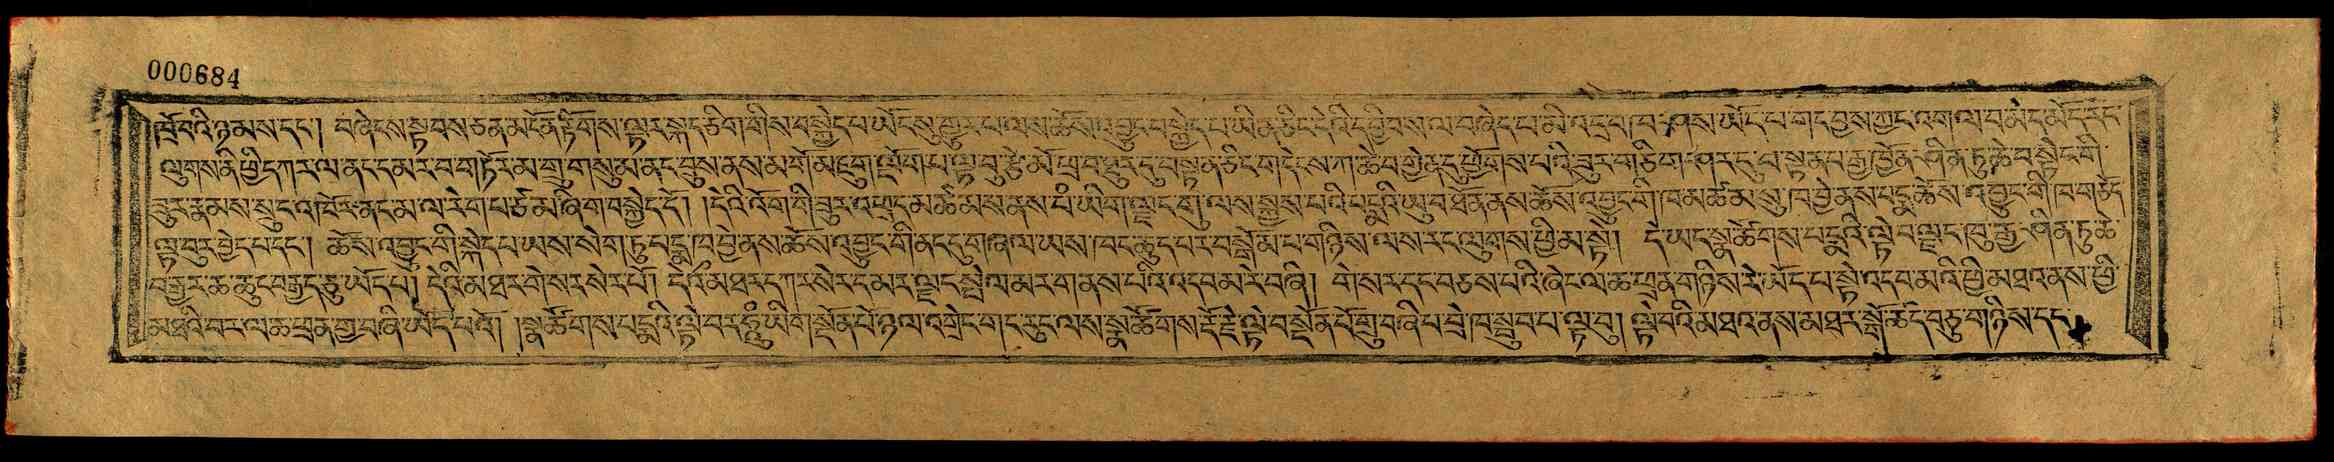ཁྲོ་བའི་ཉམས་དང་། བཞེངས་སྟབས་ཅན་མངོན་རྟོགས་ལྟར་སྐད་ཅིག་གིས་བསྐྱེད་པ་ཡོངྶུ་གྱུར་པ་ལས་ཆོས་འབྱུང་བསྐྱེད་པ་ཡིན་ཅིང་དེའི་དབྱིབས་ལ་བཞེད་པ་མི་འདྲ་བ་ཁ་ཤས་ཡོད་པ་གང་བྱས་ཀྱང་འགལ་བ་མེད་མོད་རང་
ལུགས་ནི་ཕྱི་དཀར་ལ་ནང་དམར་བ་གཏོར་མ་གྲུ་གསུམ་ནང་བྲུས་ནས་མགོ་མཇུག་ལྡོག་པ་ལྟ་བུ་རྩེ་མོ་ཕྲ་བ་ཐུར་དུ་བསྟན་ཅིང་གདེངས་ཀ་ཆེ་བ་གྱེན་དུ་ཕྱོགས་པའི་ཟུར་གཅིག་ཤར་དུ་བསྟན་པ་རྒྱ་ཁྱོན་ཤིན་ཏུ་ཆེ་བ་སྟེང་གི་
ཟུར་རྣམས་སྲུང་འཁོར་ནང་མ་ལ་རེག་པ་ཙམ་ཞིག་བསྐྱེད་དོ། །དེའི་འོག་གི་ཟུར་འཕྲད་མཚམས་ནས་པཾ་ཡིག་ལྗང་གུ་ལས་སྐྱེས་པའི་པདམའི་ཡུ་བ་ཐོན་ནས་ཆོས་འབྱུང་གི་ཁ་མཚམྶྶུ་ཁ་བྱེ་ནས་པདམ་ཆོས་འབྱུང་གི་ཁ་གཅོད་
ལྟ་བུར་བྱེད་པ་དང་། ཆོས་འབྱུང་གི་སྐེད་པ་ཡས་སེག་ཏུ་པདམ་ཁ་བྱེ་ནས་ཆོས་འབྱུང་གི་ནང་དུ་གཞལ་ཡས་ཁང་ཆུད་པར་བསྒོམ་པ་གཉིས་ལས་རང་ལུགས་ཕྱི་མ་སྟེ། དེ་ཡང་སྣ་ཚོགས་པདམའི་ལྟེ་བ་ལྗང་ཁུ་རྒྱ་ཤིན་ཏུ་ཆེ་
བ་རྒྱར་ཆ་ཆུང་བརྒྱད་ཅུ་ཡོད་པ། དེའི་མཐར་གེ་སར་སེར་པོ། དེའི་མཐར་དཀར་སེར་དམར་ལྗང་སྤེལ་མར་གནས་པའི་འདབ་མ་རེ་བཞི། གེ་སར་དང་བཅས་པའི་ཞེང་ལ་ཆ་ཕྲན་གཉིས་རེ་ཡོད་པ་སྟེ་འདབ་མའི་ཕྱི་མཐའ་ནས་ཕྱི་
མཐའི་བར་ལ་ཆ་ཕྲན་གྱ་བཞི་ཡོད་པའོ། །སྣ་ཚོགས་པདམའི་ལྟེ་བར་ཧཱུཾ་ཡིག་སྔོན་པོ་ཉལ་འགྲེང་གང་རུང་ལས་སྣ་ཚོགས་རྡོ་རྗེ་ལྟེ་བ་སྔོན་པོ་གྲུ་བཞི་པ་དྲེ་ཁ་སྦུབ་པ་ལྟ་བུ། ལྟེ་བའི་མཐའ་ནས་མཐར་སྒོ་ཚད་བཅུ་གཉིས་དང་།